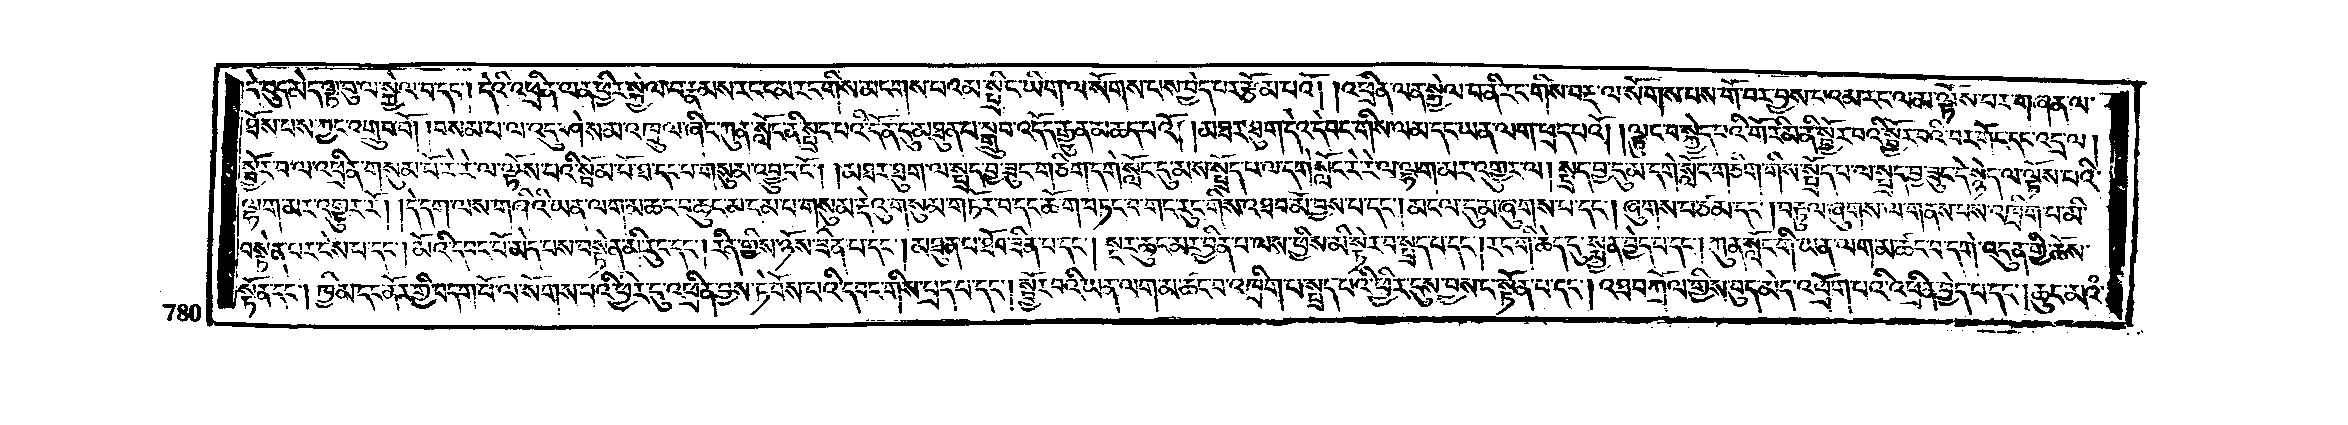དེ་བུད་མེད་ལྟ་བུ་ལ་སྐྱེལ་བ་དང་། དེའི་འཕྲིན་ལན་ཕྱིར་སྐྱེལ་བ་རྣམས་རང་ངམ་རང་གིས་མངགས་པའམ་སྤྲིང་ཡིག་ལ་སོགས་པས་བྱེད་པར་རྩོམ་པའོ། །འཕྲིན་ལན་སྐྱེལ་བ་ནི་རང་གིས་བརྡ་ལ་སོགས་པས་གོ་བར་བྱས་པའམ་རང་ལ་མ་ལྟོས་པར་གཞན་ལ་
ཐོས་པས་ཀྱང་འགྲུབ་བོ། །བསམ་པ་ལ་འདུ་ཤེས་མ་འཁྲུལ་ཞིང་ཀུན་སློང་ནི་སྤྲང་པའི་དོན་དུ་མཐུན་པ་སྒྲུབ་འདོད་རྒྱུན་མ་ཆད་པའོ། །མཐར་ཐུག་དེའི་དེ་དབང་གིས་ལམ་དང་ཡན་ལག་ཕྲད་པའོ། །ལྟུང་བ་སྐྱེད་པའི་གོ་རིམ་ནི་སྦྱོར་བའི་སྦྱོར་བའི་བར་གོང་དང་འདྲ་ལ།
སྦྱོར་བ་ལ་འཕྲིན་གསུམ་པོ་རེ་རེ་ལ་ལྟོས་པའི་སྦོམ་པོ་ཐ་དད་པ་གསུམ་འབྱུང་ངོ། །མཐར་ཐུག་ལ་སྤྲད་བྱ་ཟུང་གཅིག་དགེ་སློང་དུ་མས་སྤྲོད་པ་ལ་དགེ་སློང་རེ་རེ་ལ་ལྷག་མར་འགྱུར་ལ། སྤྲད་བྱ་དུ་མ་དགེ་སློང་གཅིག་གིས་སྤྲོད་པ་ལ་སྤྲད་བྱ་ཟུང་དེ་སྙེད་ལ་ལྟོས་པའི་
ལྷག་མར་འགྱུར་རོ། །དེ་དག་ལས་གཞིའི་ཡན་ལག་མ་ཆང་བ་ཆུང་མ་དམ་པ་གསུམ་རྡེའུ་གསུམ་གཏོར་བ་དང་ཆོ་ག་བཏང་བ་གང་རུང་གིས་འཐབ་མོ་བྱས་པ་དང་། མངལ་དུ་མ་ཞུགས་པ་དང་། ཞུགས་པ་ཙམ་དང་། བརྟུལ་ཞུགས་ལ་གནས་པས་འཁྲིག་པ་མི་
བསྟེན་པར་ངེས་པ་དང་། མོའི་དབང་པོ་མེད་པས་བསྟེན་མི་རུང་དང་། རིན་གྱིས་ཉོས་ཟིན་པ་དང་། མཐུན་པ་ཐོབ་ཟིན་པ་དང་། སྔར་ཆུང་མར་བྱིན་པ་ལས་ཕྱིས་མི་སྟེར་བ་སྤྲད་པ་དང་། རང་གི་ཆེད་དུ་སྨྱན་བྱེད་པ་དང་། ཀུན་སློང་གི་ཡན་ལག་མ་ཚང་བ་དགེ་འདུན་གྱི་ཆོས་
སྟོན་དང་། ཁྱིམ་དང་ནོར་གྱི་བདག་པོ་ལ་སོགས་པའི་ཕྱིར་དུ་འཕྲིན་བྱས་ཏེ་བོས་པའི་དབང་གིས་ཕྲད་པ་དང་། སྦྱོར་བའི་ཡན་ལག་མ་ཚང་བ་འཁྲིག་པ་སྤྲད་པའི་ཕྱིར་དུས་བྱས་པ་སྟོན་པ་དང་། འཐབ་ཀྲོལ་གྱིས་བུད་མེད་འཕྲོག་པའི་འཕྲིན་བྱེད་པ་དང་། ཆུང་མའཾ་